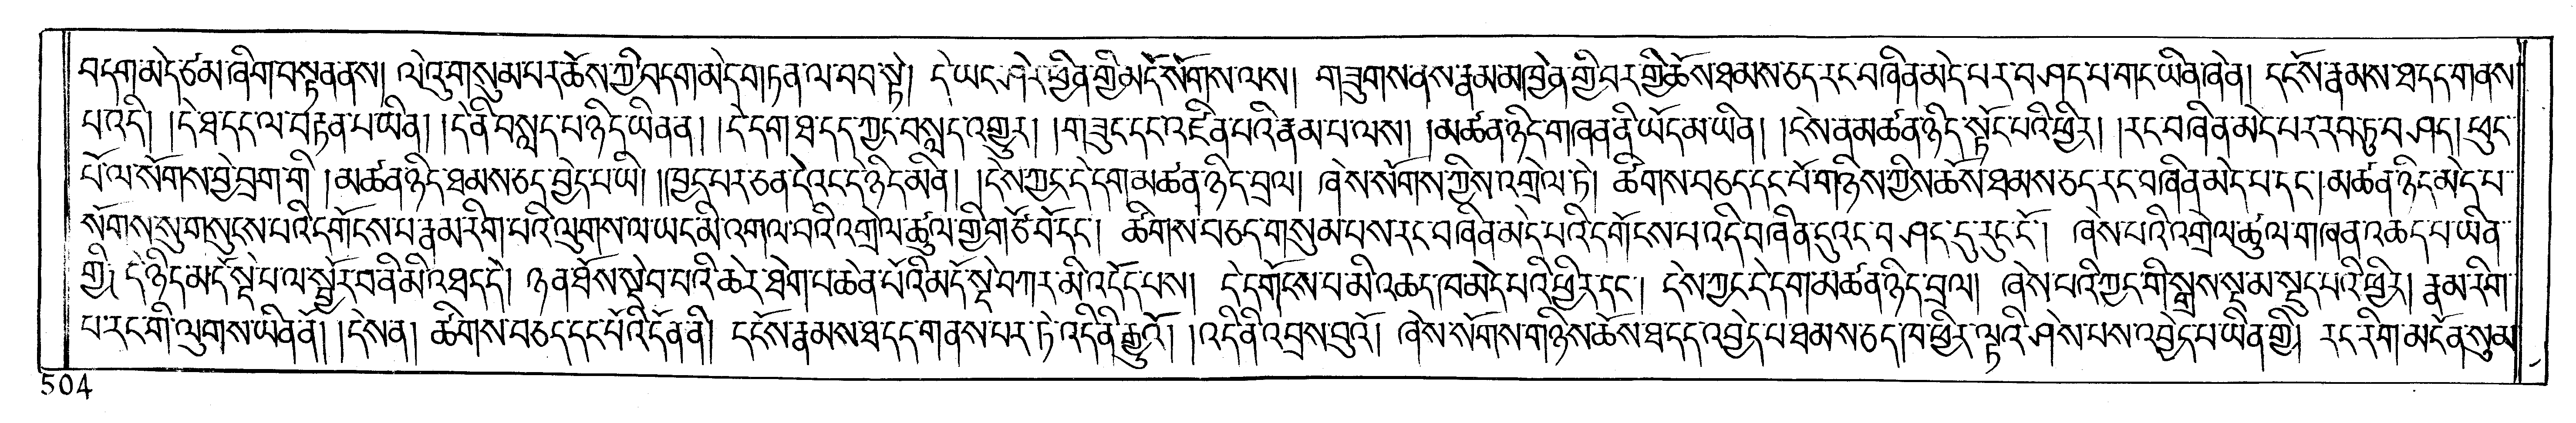བདག་མེད་ཙམ་ཞིག་བསྟན་ནས། ལེའུ་གསུམ་པར་ཆོས་ཀྱི་བདག་མེད་གཏན་ལ་ཕབ་སྟེ། དེ་ཡང་ཤེར་ཕྱིན་གྱི་མདོ་སོགས་ལས། གཟུགས་ནས་རྣམ་མཁྱེན་གྱི་བར་གྱི་ཆོས་ཐམས་ཅད་རང་བཞིན་མེད་པར་བཤད་པ་གང་ཡིན་ཞེ་ན། དངོས་རྣམས་ཐ་དད་གནས་
པ་འདི། །དེ་ཐ་དད་ལ་བརྟན་པ་ཡིན། །དེ་ནི་བསླད་པ་ཉིད་ཡིན་ན། །དེ་དག་ཐ་དད་ཀྱང་བསླད་འགྱུར། །གཟུང་དང་འཛིན་པའི་རྣམ་པ་ལས། །མཚན་ཉིད་གཞན་ནི་ཡོད་མ་ཡིན། །དེས་ན་མཚན་ཉིད་སྟོང་བའི་ཕྱིར། །རང་བཞིན་མེད་པར་རབ་ཏུ་བཤད། །ཕུང་
པོ་ལ་སོགས་བྱེ་བྲག་གི །མཚན་ཉིད་ཐམས་ཅད་བྱེད་པ་ཡི། །ཁྱད་པར་ཅན་དའང་དེ་ཉིད་མིན། །དེས་ཀྱང་དེ་དག་མཚན་ཉིད་བྲལ། ཞེས་སོགས་ཀྱིས་འགྲེལ་ཏེ། ཚིགས་བཅད་དང་པོ་གཉིས་ཀྱིས་ཆོས་ཐམས་ཅད་རང་བཞིན་མེད་པ་དང་། མཚན་ཉིད་མེད་པ་
སོགས་སུ་གསུངས་པའི་དགོངས་པ་རྣམ་རིག་པའི་ལུགས་ལ་ཡང་མི་འགལ་བའི་འགྲེལ་ཚུལ་གྱི་གཙོ་བོ་དང་། ཚིགས་བཅད་གསུམ་པས་རང་བཞིན་མེད་པའི་དགོངས་པ་འདི་བཞིན་དུའང་བཤད་དུ་རུང་ངོ། ཞེས་པའི་འགྲེལ་ཚུལ་གཞན་འཆད་པ་ཡིན་
གྱི༑ དེ་ཉིད་མདོ་སྡེ་པ་ལ་སྦྱོར་བ་ནི་མི་འཐད་དེ། ཉན་ཐོས་སྡེ་པ་ཕལ་ཆེར་ཐེག་པ་ཆེན་པོའི་མདོ་སྡེ་བཀར་མི་འདོད་པས། དེ་དགོངས་པ་མི་འཆད་ཁ་མེད་པའི་ཕྱིར་དང་། དེས་ཀྱང་དེ་དག་མཚན་ཉིད་བྲལ། ཞེས་པའི་ཀྱང་གི་སྒྲས་སྔ་མ་སྡུད་པའི་ཕྱིར། རྣམ་རིག་
པ་རང་གི་ལུགས་ཡིན་ནོ། །དེས་ན། ཚིགས་བཅད་དང་པོའི་དོན་ནི། དངོས་རྣམས་ཐ་དད་གནས་པར་ཏེ་འདི་ནི་རྒྱུའོ། །འདི་ནི་འབྲས་བུའོ། ཞེས་སོགས་གཉིས་ཆོས་ཐ་དད་འབྱེད་པ་ཐམས་ཅད་ཁ་ཕྱིར་ལྟའི་ཤེས་པས་འབྱེད་པ་ཡིན་གྱི། རང་རིག་མངོན་སུམ་